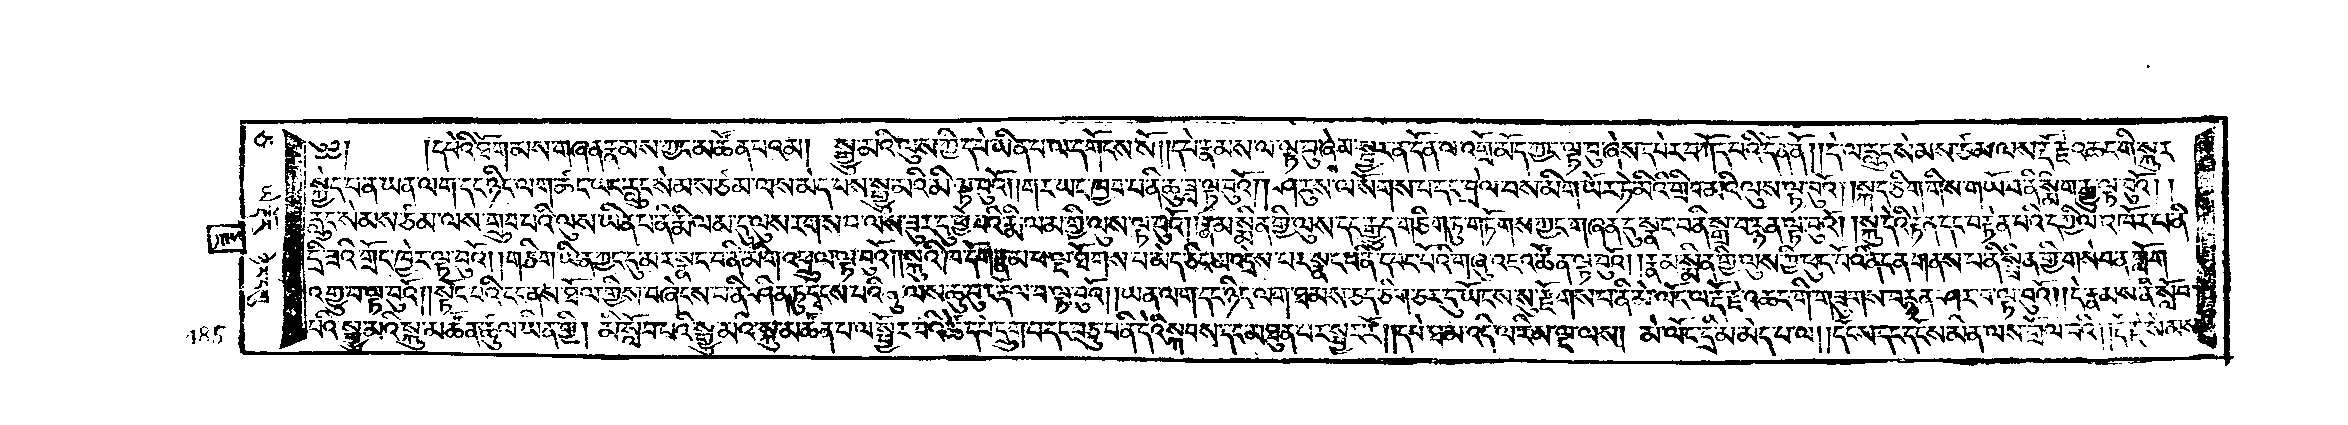༄༅། །དཔེའི་ཐོག་མས་གཞན་རྣམས་ཀྱང་མཚོན་པའམ། སྒྱུ་མའི་ལུས་ཀྱི་དཔེ་ཡིན་པ་ལ་དགོངས་སོ། །དཔེ་རྣམས་ལ་ལྟ་བུ་ཞེས་མ་སྦྱར་ན་དོན་ལ་འགྲོ་མོད་ཀྱང་ལྟ་བུ་ཞེས་དཔེར་བཀོད་པའི་དོན་ནོ། །དེ་ལ་རླུང་སེམས་ཙམ་ལས་རྡོ་རྗེ་འཆང་གི་སྐུར་
སྐྱེད་པ་ན་ཡན་ལག་དང་ཉིད་ལག་ཚང་ཡང་རླུང་སེམས་ཙམ་ལས་མེད་པས་སྒྱུ་མའི་མི་ལྟ་བུའོ། །གར་ཡང་ཁྱབ་པ་ནི་ཆུ་ཟླ་ལྟ་བུའོ། །ཤ་རུས་ལ་སོགས་པ་དང་བྲལ་བས་མིག་ཡོར་ཏེ་མིའི་གྲིབ་མའི་ལུས་ལྟ་བུའོ། །སྐད་ཅིག་གིས་གཡོ་བ་ནི་སྨིག་རྒྱུ་ལྟ་བུའོ། །
རླུང་སེམས་ཙམ་ལས་གྲུབ་པའི་ལུས་ཡིན་པ་ནི་རྨི་ལམ་དུ་ལུས་རགས་པ་ལས་ཟུར་དུ་བྱེ་བའི་རྨི་ལམ་གྱི་ལུས་ལྟ་བུའོ། །རྣམ་སྨིན་གྱི་ལུས་དང་རྒྱུད་གཅིག་ཏུ་གཏོགས་ཀྱང་གཞན་དུ་སྣང་བ་ནི་སྒྲ་བརྙན་ལྟ་བུའོ། །སྐུ་དེའི་རྟེན་དང་བརྟེན་པའི་དཀྱིལ་འཁོར་པ་ནི་
དྲི་ཟའི་གྲོང་ཁྱེར་ལྟ་བུའོ། །གཅིག་ཡིན་ཀྱང་དུ་མར་སྣང་བ་ནི་མིག་འཕྲུལ་ལྟ་བུའོ། །སྐུའི་ཁ་དོག་རྣམ་པ་ལྔ་ཐོགས་པ་མེད་ཅིང་མ་འདྲེས་པར་སྣང་བ་ནི་དབང་པོའི་གཞུ་འཇའ་ཚོན་ལྟ་བུའོ། །རྣམ་སྨིན་གྱི་ལུས་ཀྱི་ཕུང་པོའི་ནང་ན་གནས་པ་ནི་སྤྲིན་གྱི་གསེབ་ན་གློག་
འགྱུ་བ་ལྟ་བུའོ། །སྟོང་པའི་ངང་ནས་ཐོལ་གྱིས་བཞེངས་པ་ནི་ཤིན་ཏུ་དྭངས་པའི་ཆུ་ལས་ཆུ་བུར་རྡོལ་བ་ལྟ་བུའོ། །ཡན་ལག་དང་ཉིད་ལག་ཐམས་ཅད་ཅིག་ཅར་དུ་ཡོངས་སུ་རྫོགས་པ་ནི་མེ་ལོང་ལ་རྡོ་རྗེ་འཆང་གི་གཟུགས་བརྙན་ཤར་བ་ལྟ་བུའོ། །དེ་རྣམས་ནི་སློབ་
པའི་སྒྱུ་མའི་སྐུ་མཚོན་ཚུལ་ཡིན་གྱི། མི་སློབ་པའི་སྒྱུ་མའི་སྐུ་མཚོན་པ་ལ་སྦྱོར་བའི་ཚེ་དཔེ་དྲུག་པ་དང་བཅུ་པ་ནི་དེའི་སྐབས་དང་མཐུན་པར་སྦྱར་རོ། །དཔེ་ཐ་མ་འདི་ལ་རིམ་ལྔ་ལས། མེ་ལོང་དྲི་མ་མེད་པ་ལ། །དངོས་དང་དངོས་མིན་ལས་གྲོལ་བའི། །རྡོ་རྗེ་སེམས་